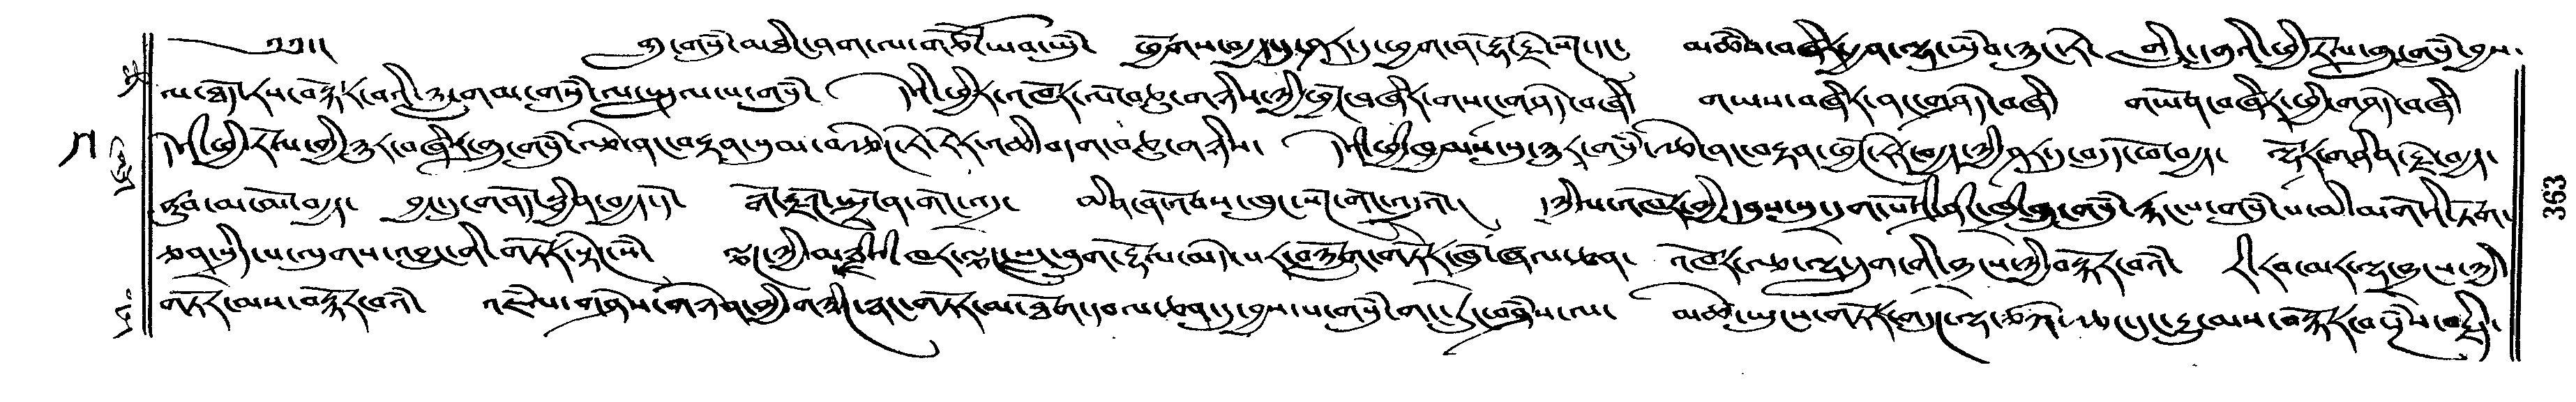གྲུ་གསུམ་མཐིང་ནག་ལ་གཙོ་བོ་ཡབ་ཡུམ། ཕྱོགས་བརྒྱད་དུ་ཤར་དུ་ཕྱག་ན་རྡོ་རྗེ་སོགས་དང་། མཚམས་བཞིར་རྒྱན་ལྷ་ཡབ་ཡུམ་ཟུང་རེ། གླིང་དགུའི་ཕྱི་རོལ་གྲུ་གསུམ་བྱས་
ལ་ཐོད་རྭས་བསྐོར་བའི་ཟླ་གམ་གསུམ་ལ་སྤྲུལ་པ་གསུམ། དེའི་ཕྱིར་འཁོར་ལོ་བཅུ་གཉིས་ཀྱི་ཕྱོགས་བཞིར་གསང་གཤེད་བཞི། གཡས་བཞིར་ནང་གཤེད་བཞི། གཡོན་བཞིར་ཕྱི་གཤེད་བཞི། 
དེའི་ཕྱི་རོལ་གྱི་ཟུར་བཞིར་གྲུ་གསུམ་རྩེ་ནང་བསྟན་སུམ་བརྩེགས་རེ་རེར་འཆི་བདག་བཅུ་གཉིས། དེའི་ཕྱི་ཁྱམས་སུ་ཟུར་གསུམ་རྩེ་ནང་བསྟན་ཕྱོགས་རེར་བརྒྱད་ཀྱི་ཤར་དུ་བདུད་ཕོ་བརྒྱད། ལྷོར་གཤིན་རྗེ་བརྒྱད། 
ནུབ་ཏུ་མ་མོ་བརྒྱད། བྱང་དུ་གནོད་སྦྱིན་བརྒྱད་དོ། སྒོ་རྫོགས་སྤྲོ་ན་གོང་འདྲ། མིན་ན་འོབས་ཁུང་སོགས་གོང་འདྲའོ། དཀྱིལ་འཁོར་གྱི་དབུས་སུ་དྲག་པོའི་ཤིང་ཁྲི་གྲུ་གསུམ་རྐང་པ་གསུམ་པ་མི་མགོའི་ཏོག་
ཅན་སྲིད་པ་ལུགས་འབྱུང་གི་གཏོར་སྟེགས་སམ། ལྕགས་ཀྱི་མཉྫིའི་ཁར་ལྕགས་སླང་བུག་རྡོལ་མེད་པར་བཟློག་གཏོར་ཁྲོ་ཞལ་ཅན། འཁོར་རྩ་ལྷ་དྲུག་གི་གྲངས་ཀྱི་བསྐོར་བའམ། རི་རབ་མར་ལྷ་གྲངས་ཀྱི་
གཏོར་མས་བསྐོར་བའམ། འཇམ་དཔལ་གཤེས་གཉེན་གྱི་གཟིགས་སྣང་གཏོར་མ་ཐོག་དབལ་ཅན་དུ་བྱས་པ་གསུམ་གང་རུང་བཤམས་ལ། མཚེ་ཡུངས་གཏོར་གདུགས་ལྷ་ཙཀ་རྩང་དང་རྒྱུ་མས་བསྐོར་བ་རྔམས་བརྗིད་